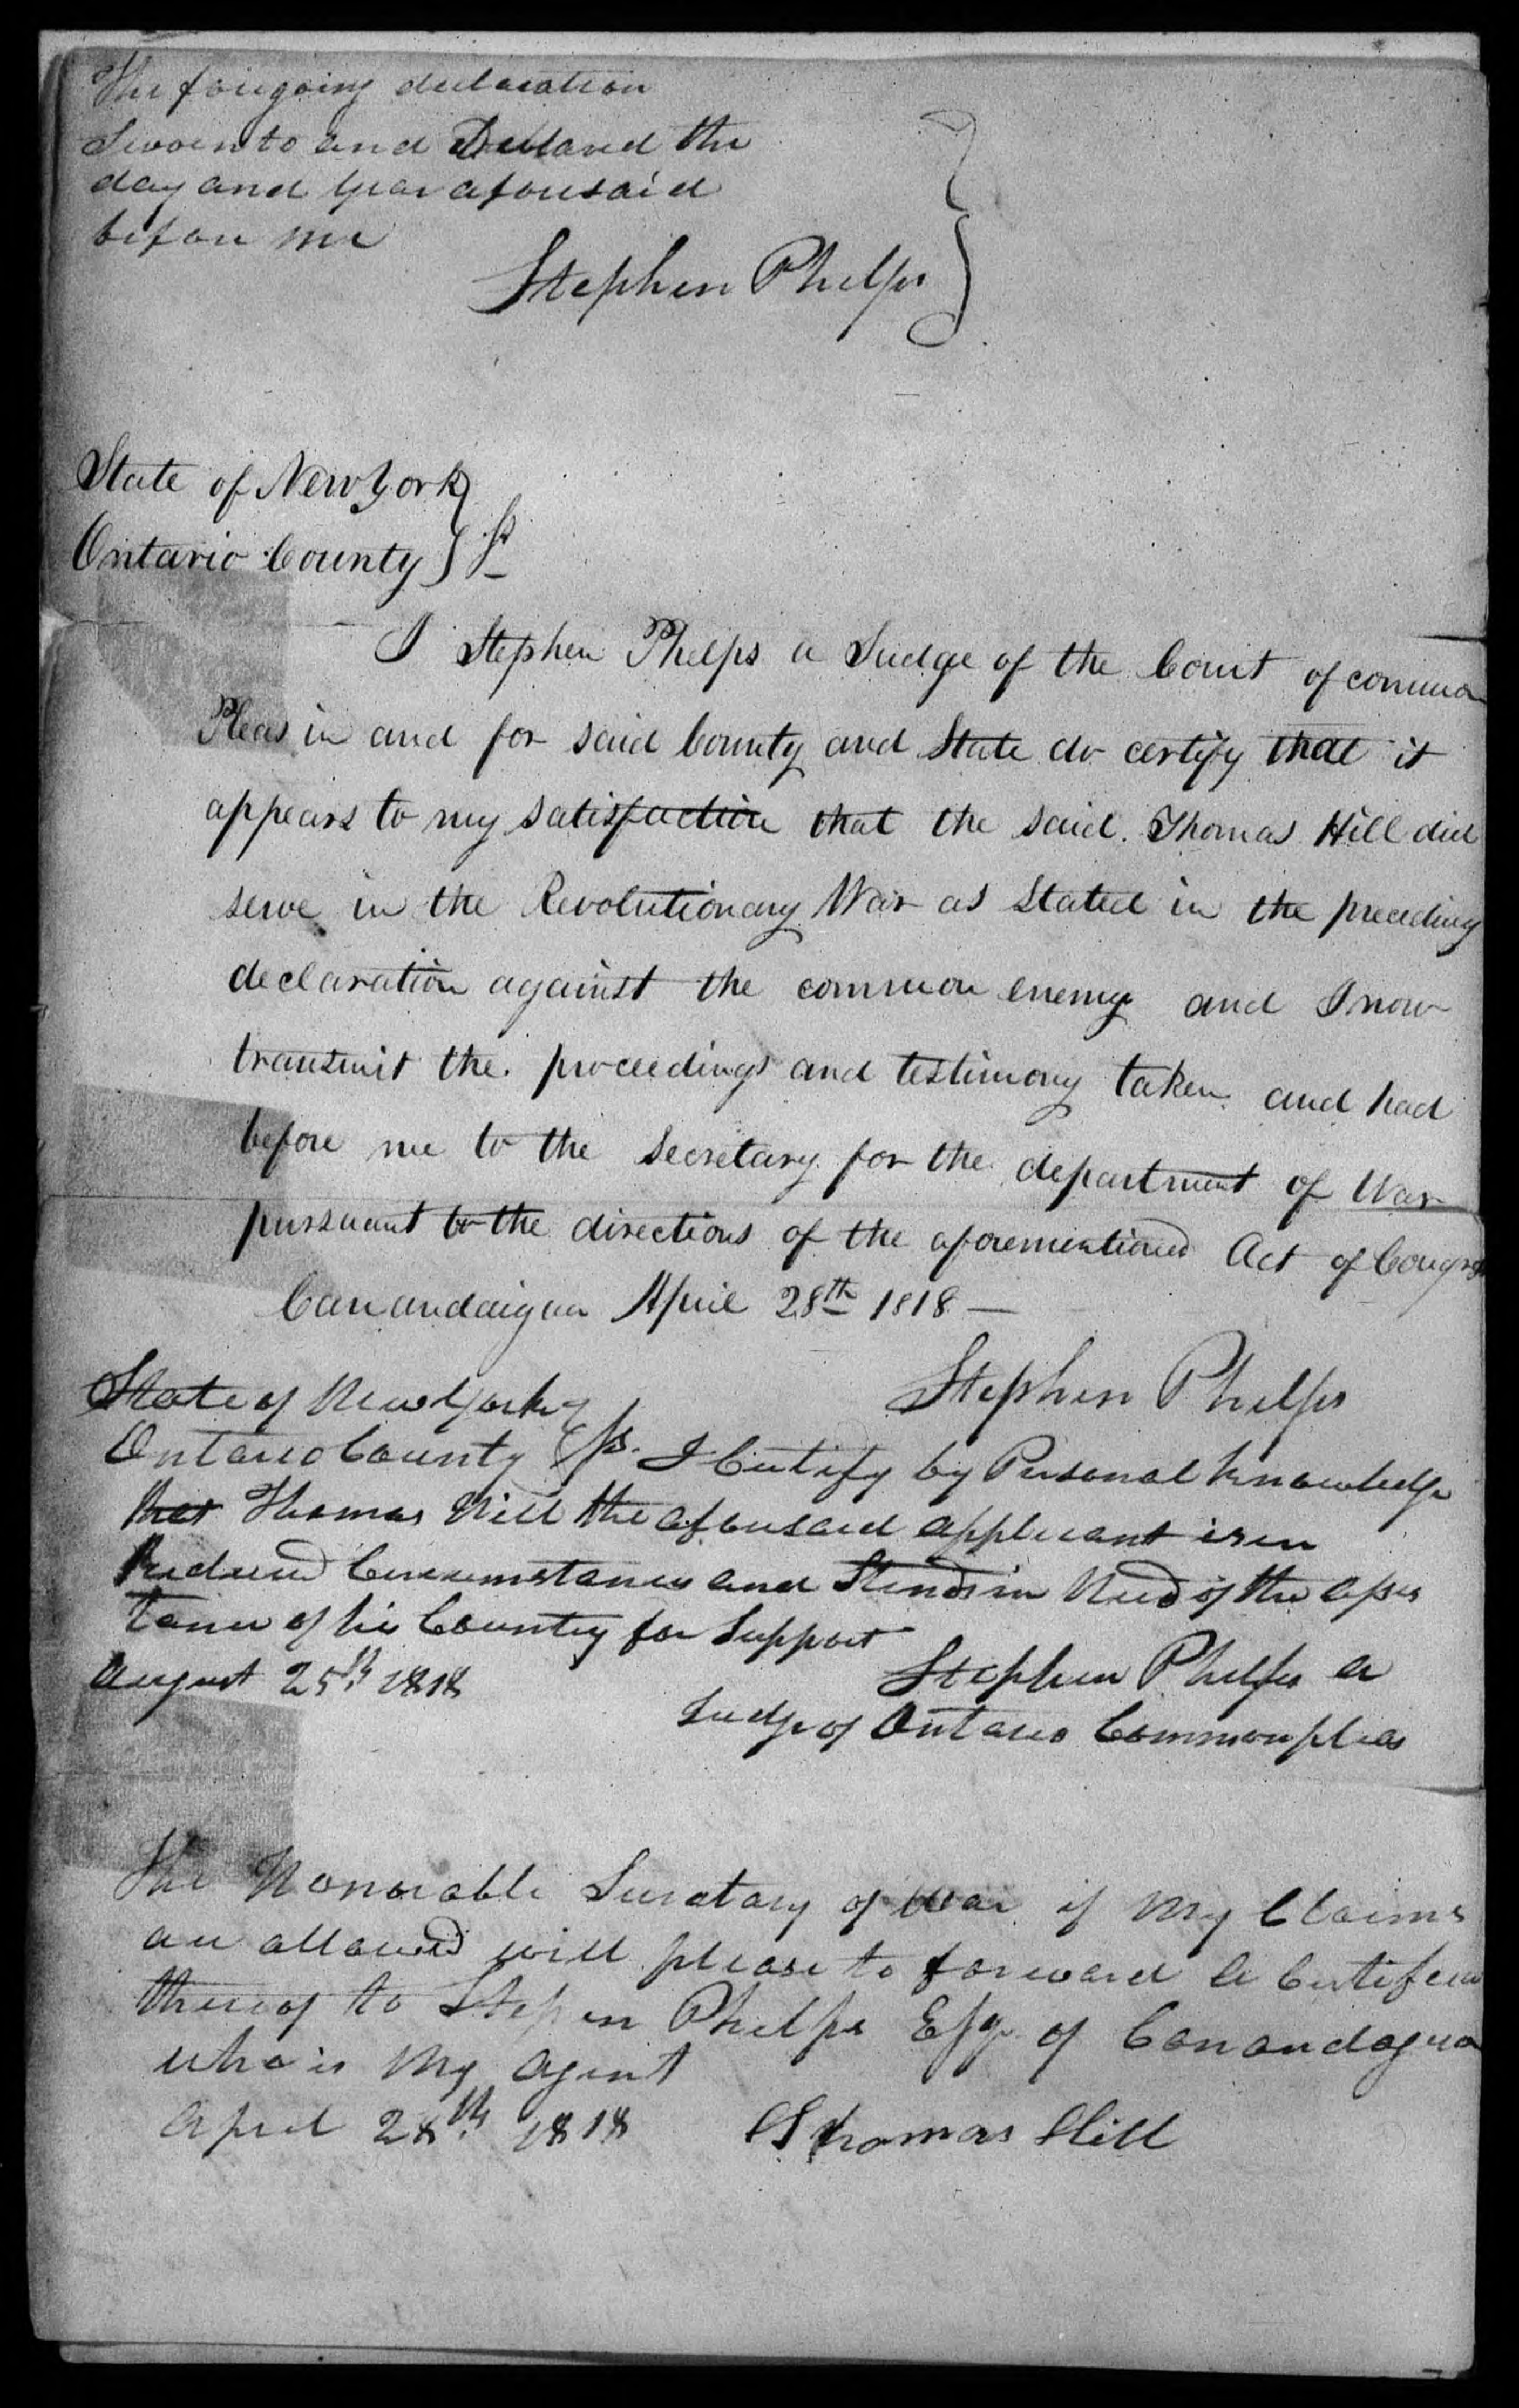The foregoing declaration
Sworn to and Declared the
day and year afoursaid
before me
Stephen Phelps

State of New York
Ontario County

I Stephen Phelps a Judge of the Court of common Pleas in and for said County and State do certify that it appears to my satisfaction that the said Thomas Hill did serve in the Revolutionary War as stated in the preceding declaration against the common enemy and I now transmit the proceedings and testimony taken and had before me to the Secretary for the department of War pursuant to the directions of the aforementioned Act of Congress
Canandaigua April 28th 1818-
Stephen Phelps

State of New York
Ontario County
I certify by Personal knowledge that Thomas Hill the aforesaid applicant is in [illegible] Circumstances and Stands in Need of the [illegible] of his Country for Support-
August 25th 1818
Stehen Phelps as
Judge of Ontario Common pleas

The Honorable Secratary of War if my Claims are allowed will please to forward a Certificate thereof to Stephen Phelps Esq of Canandaigua who is my agent
April 28th 1818
Thomas Hill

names: Thomas Hill, Stephen Phelps, Stephen Phelps, Stephen Phelps, Stephen Phelps, Thomas Hill, Stephen Phelps, Thomas Hill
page: 9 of 31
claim: survivor's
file: S. 43672, Thomas Hill, New York